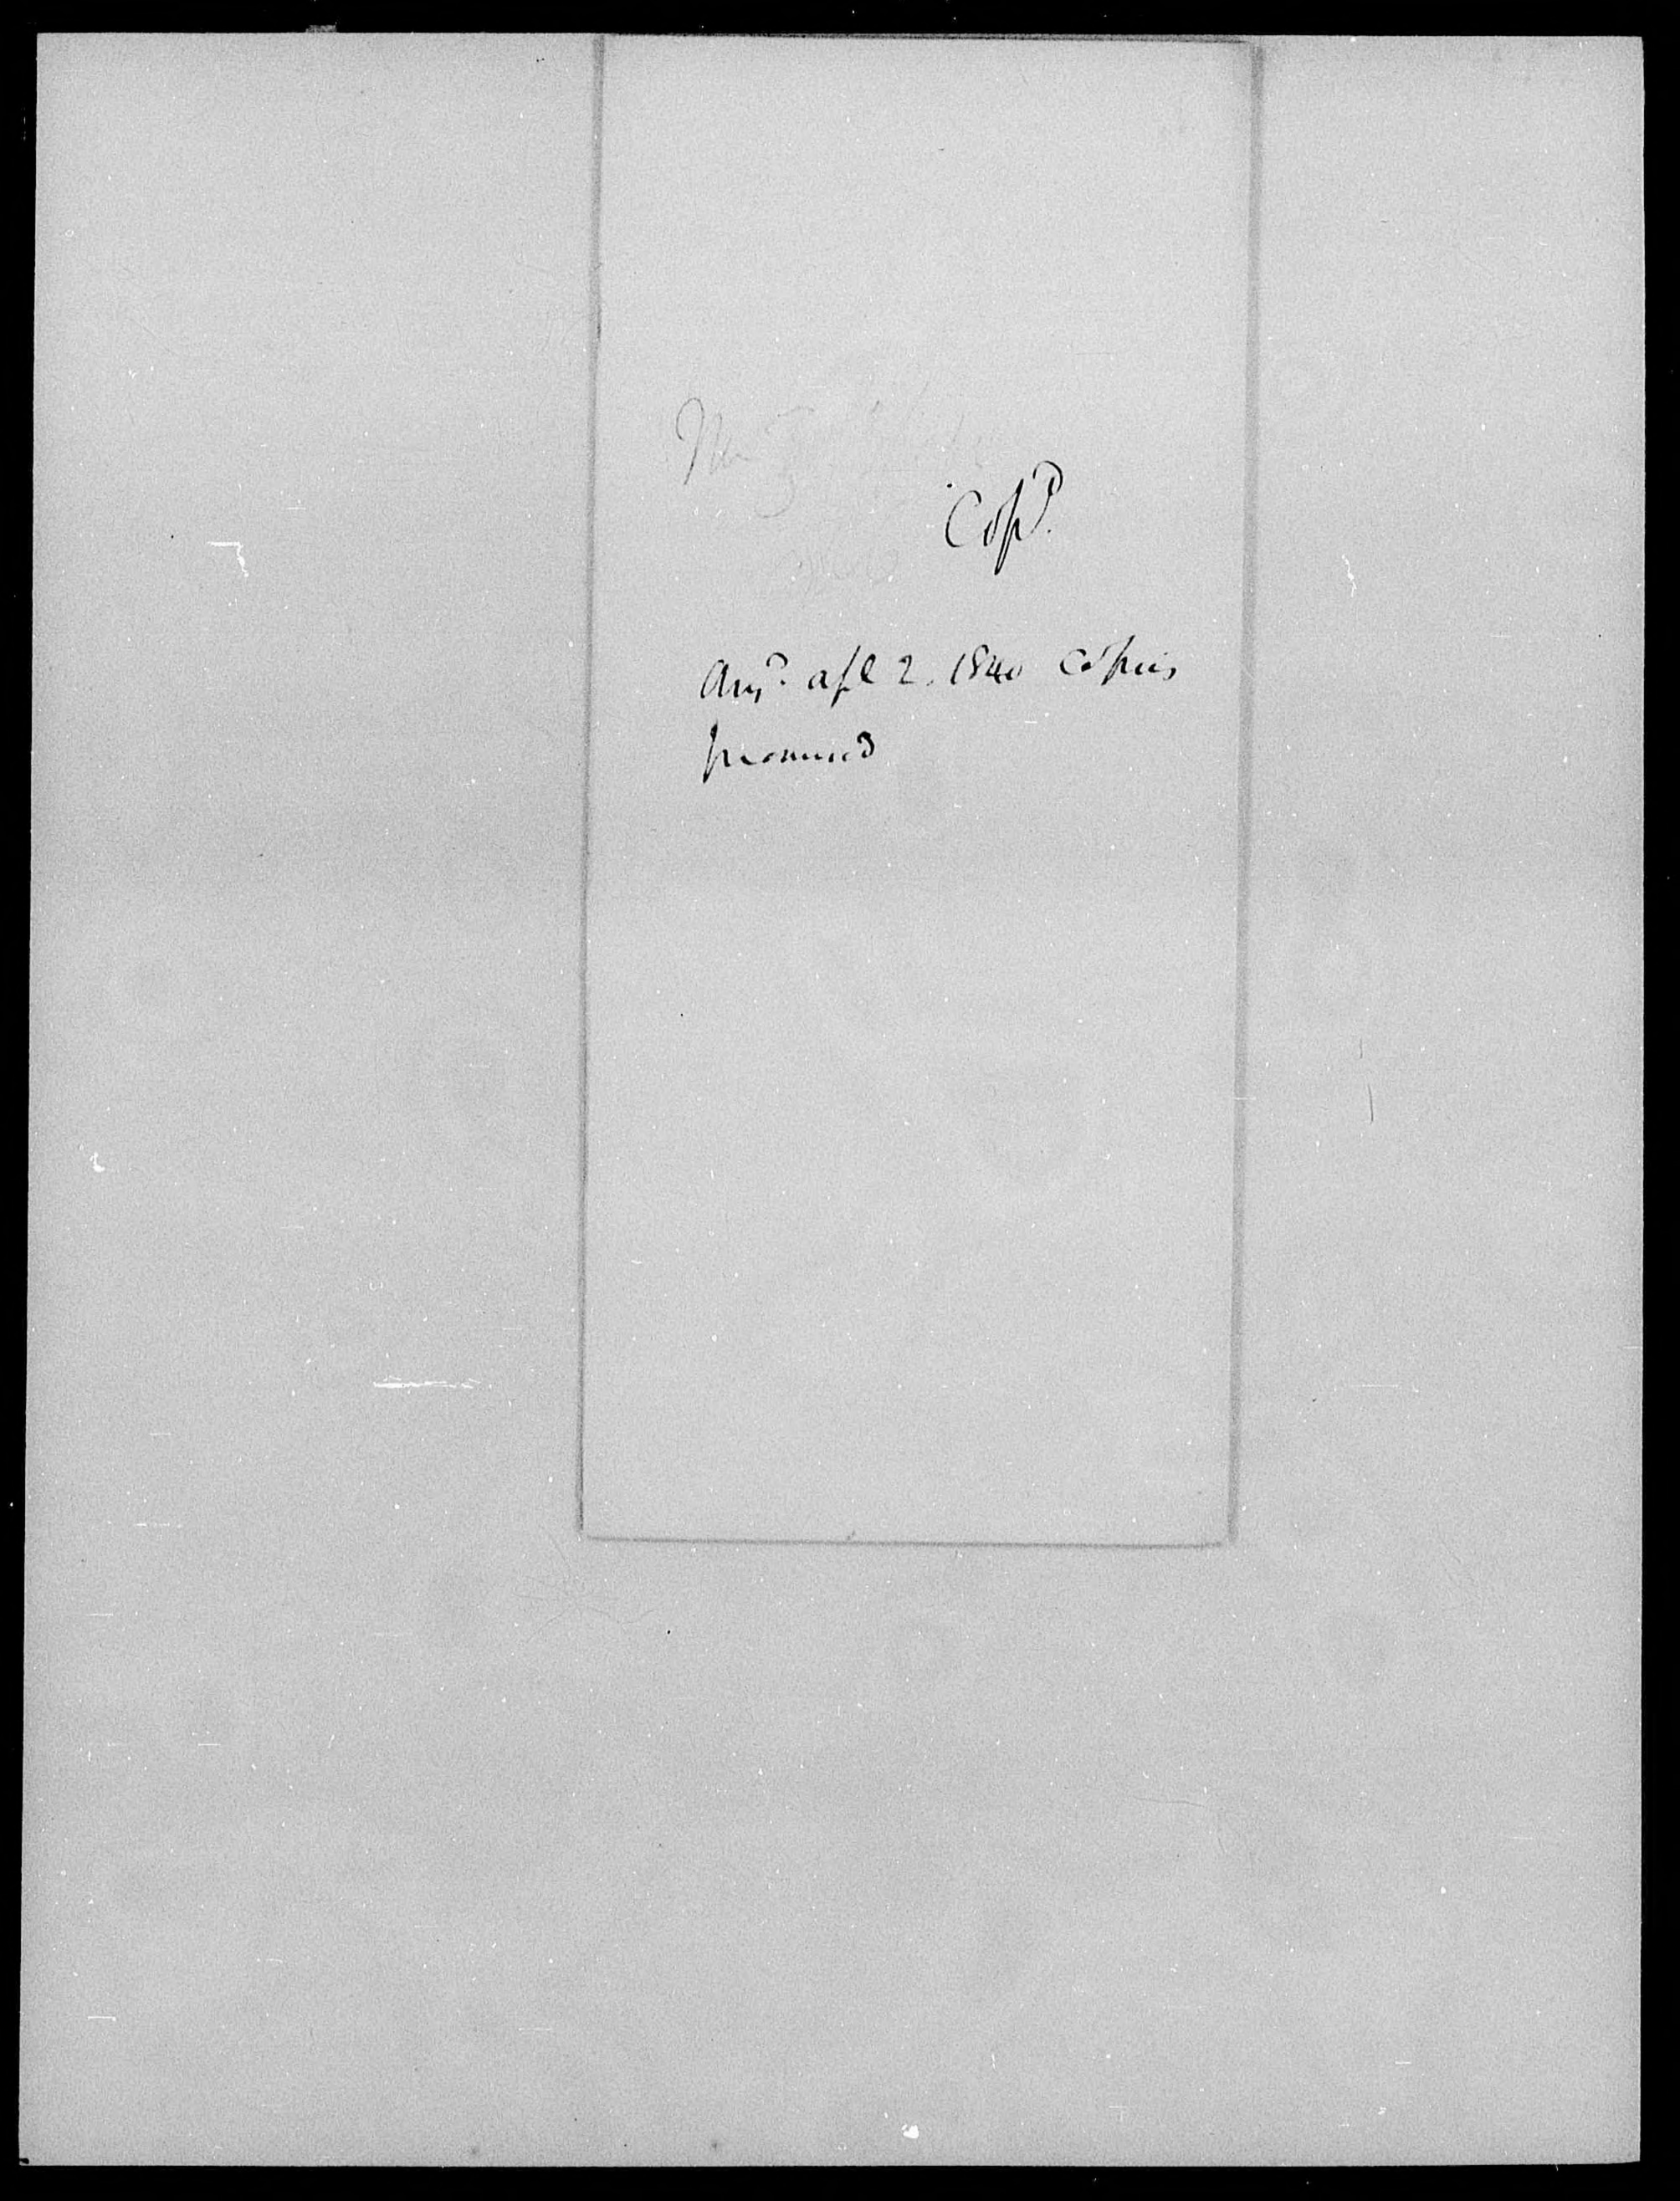Copd.
Ary?  apl 2. 1840 copies promised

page: 27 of 28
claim: rejected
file: R. 7846, for Benjamin Owens, South Carolina